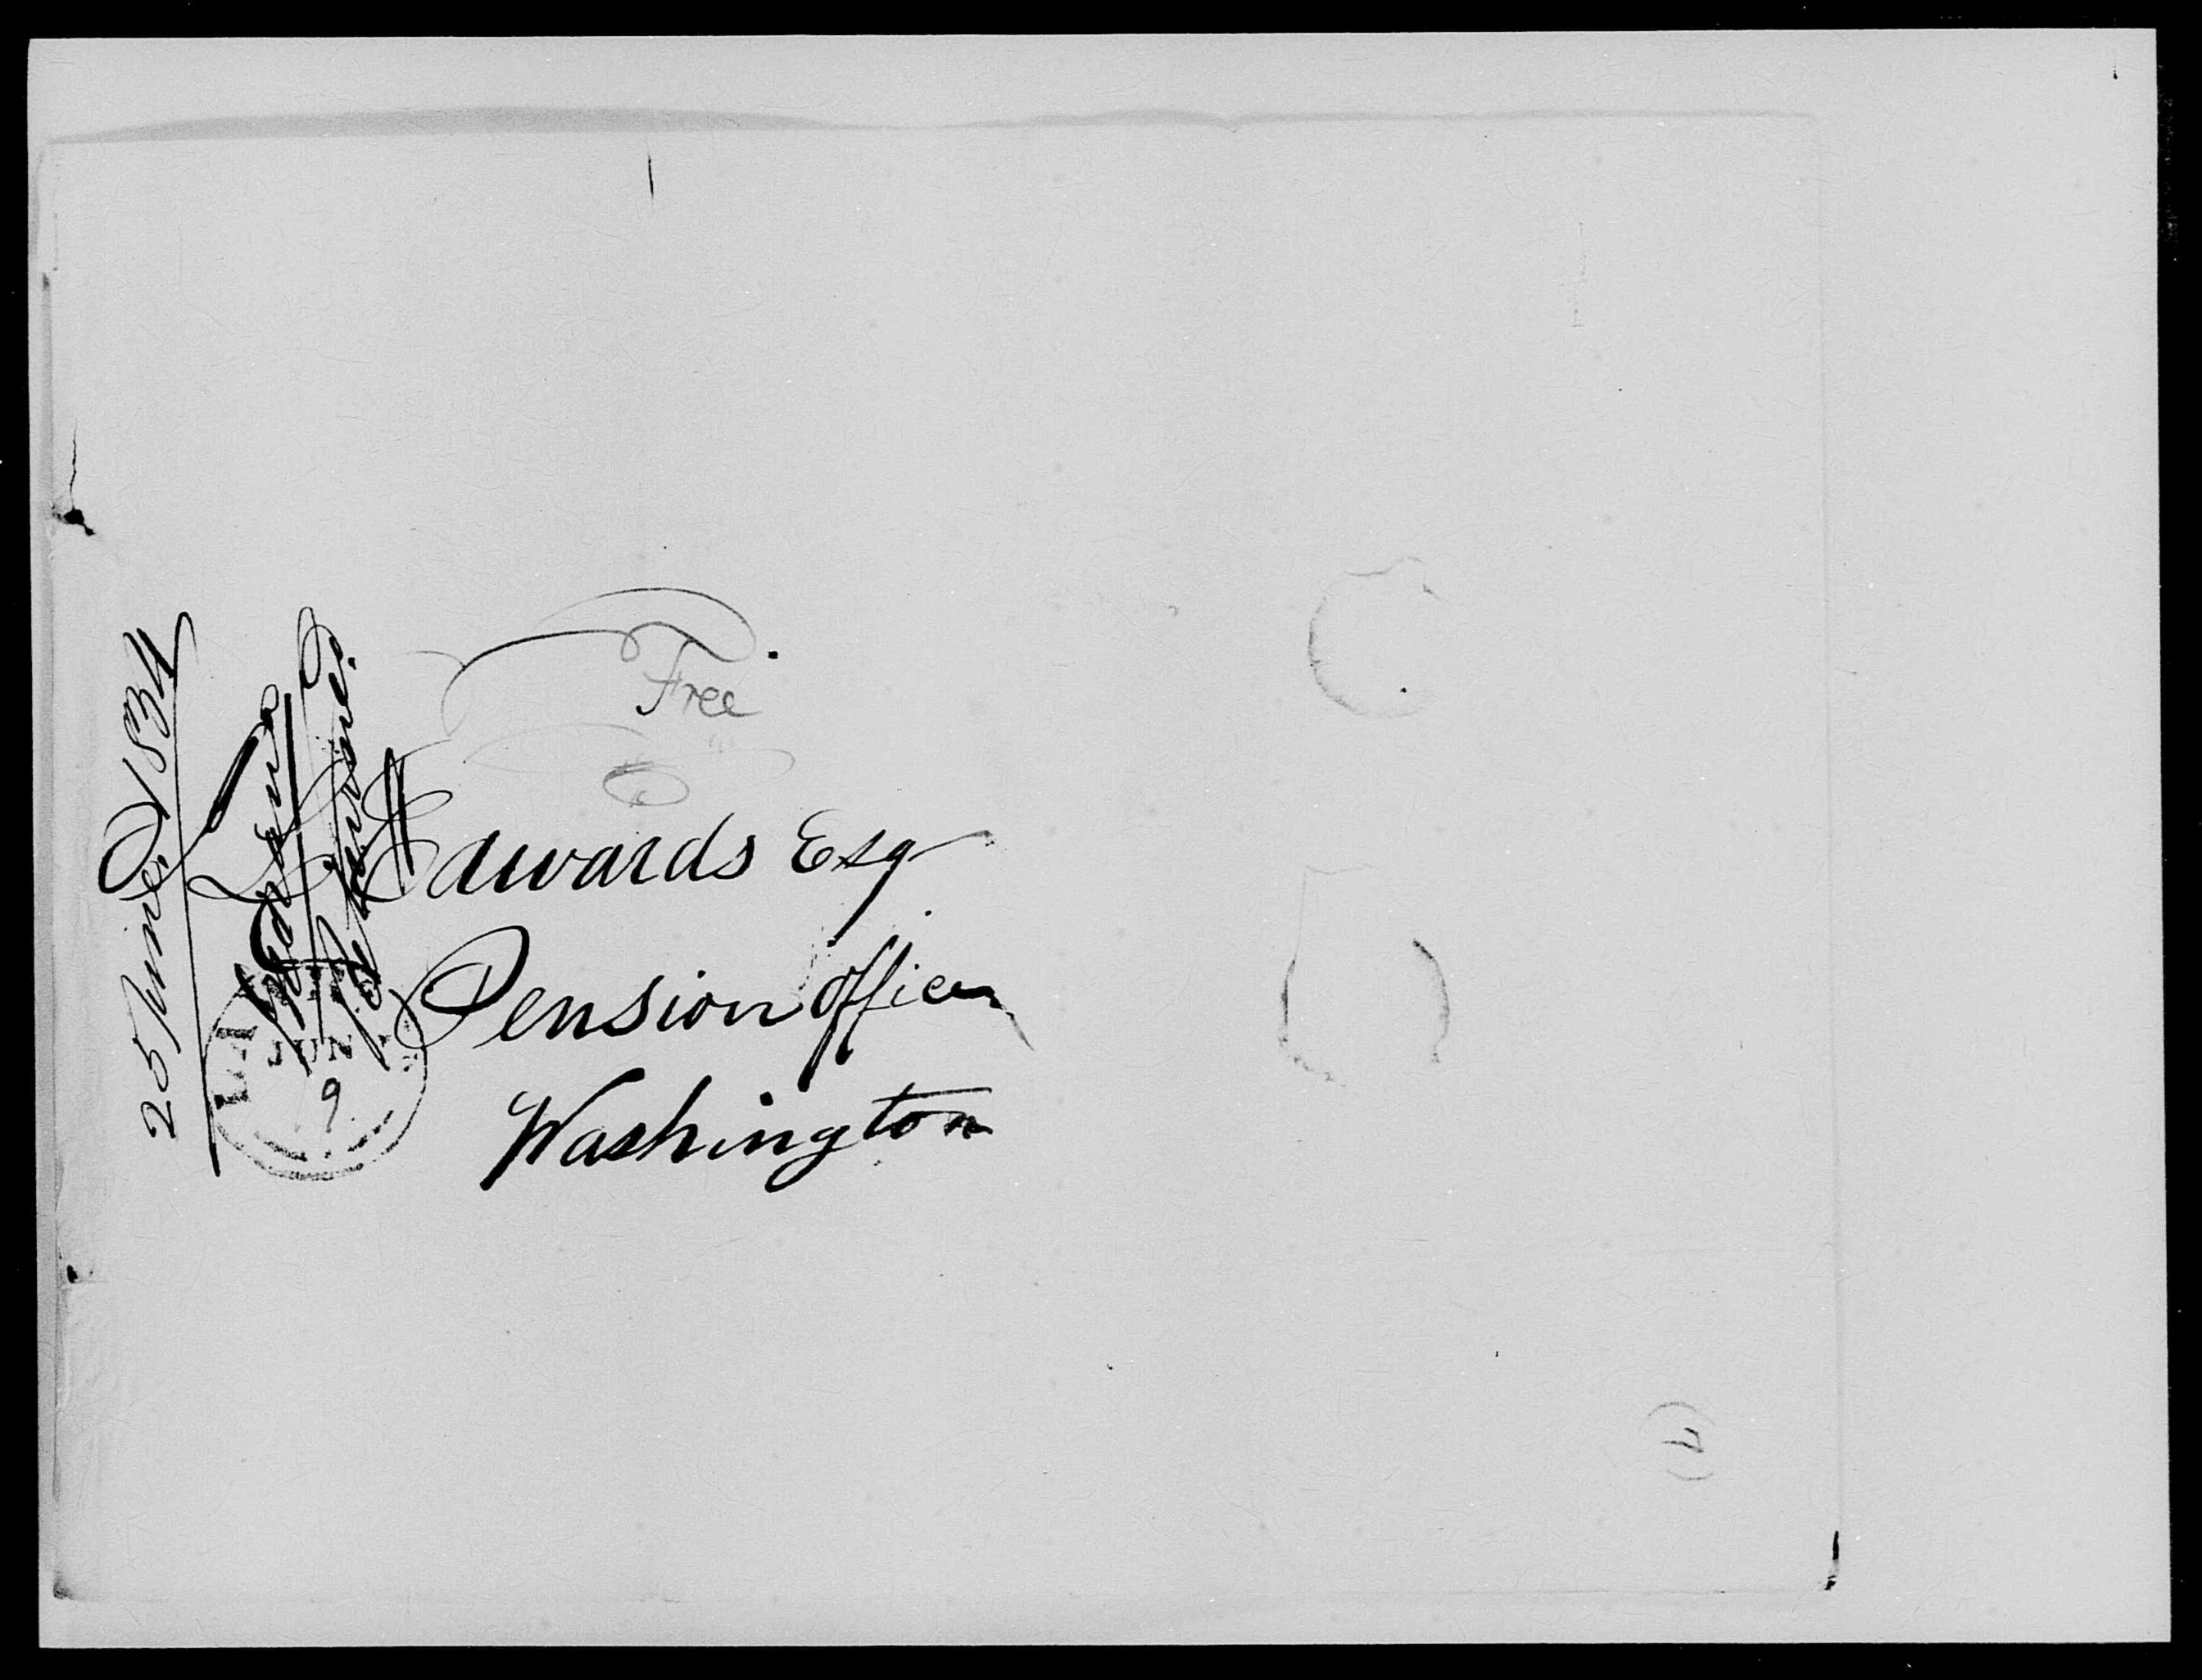25 June 1834

[illegible] / Returned

Free

Edwards Esq
Pension Office
Washington

[Official stamp] JUN 9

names: J L Edwards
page: 32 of 38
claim: survivor's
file: S 31817, for James Leeds, New Jersey